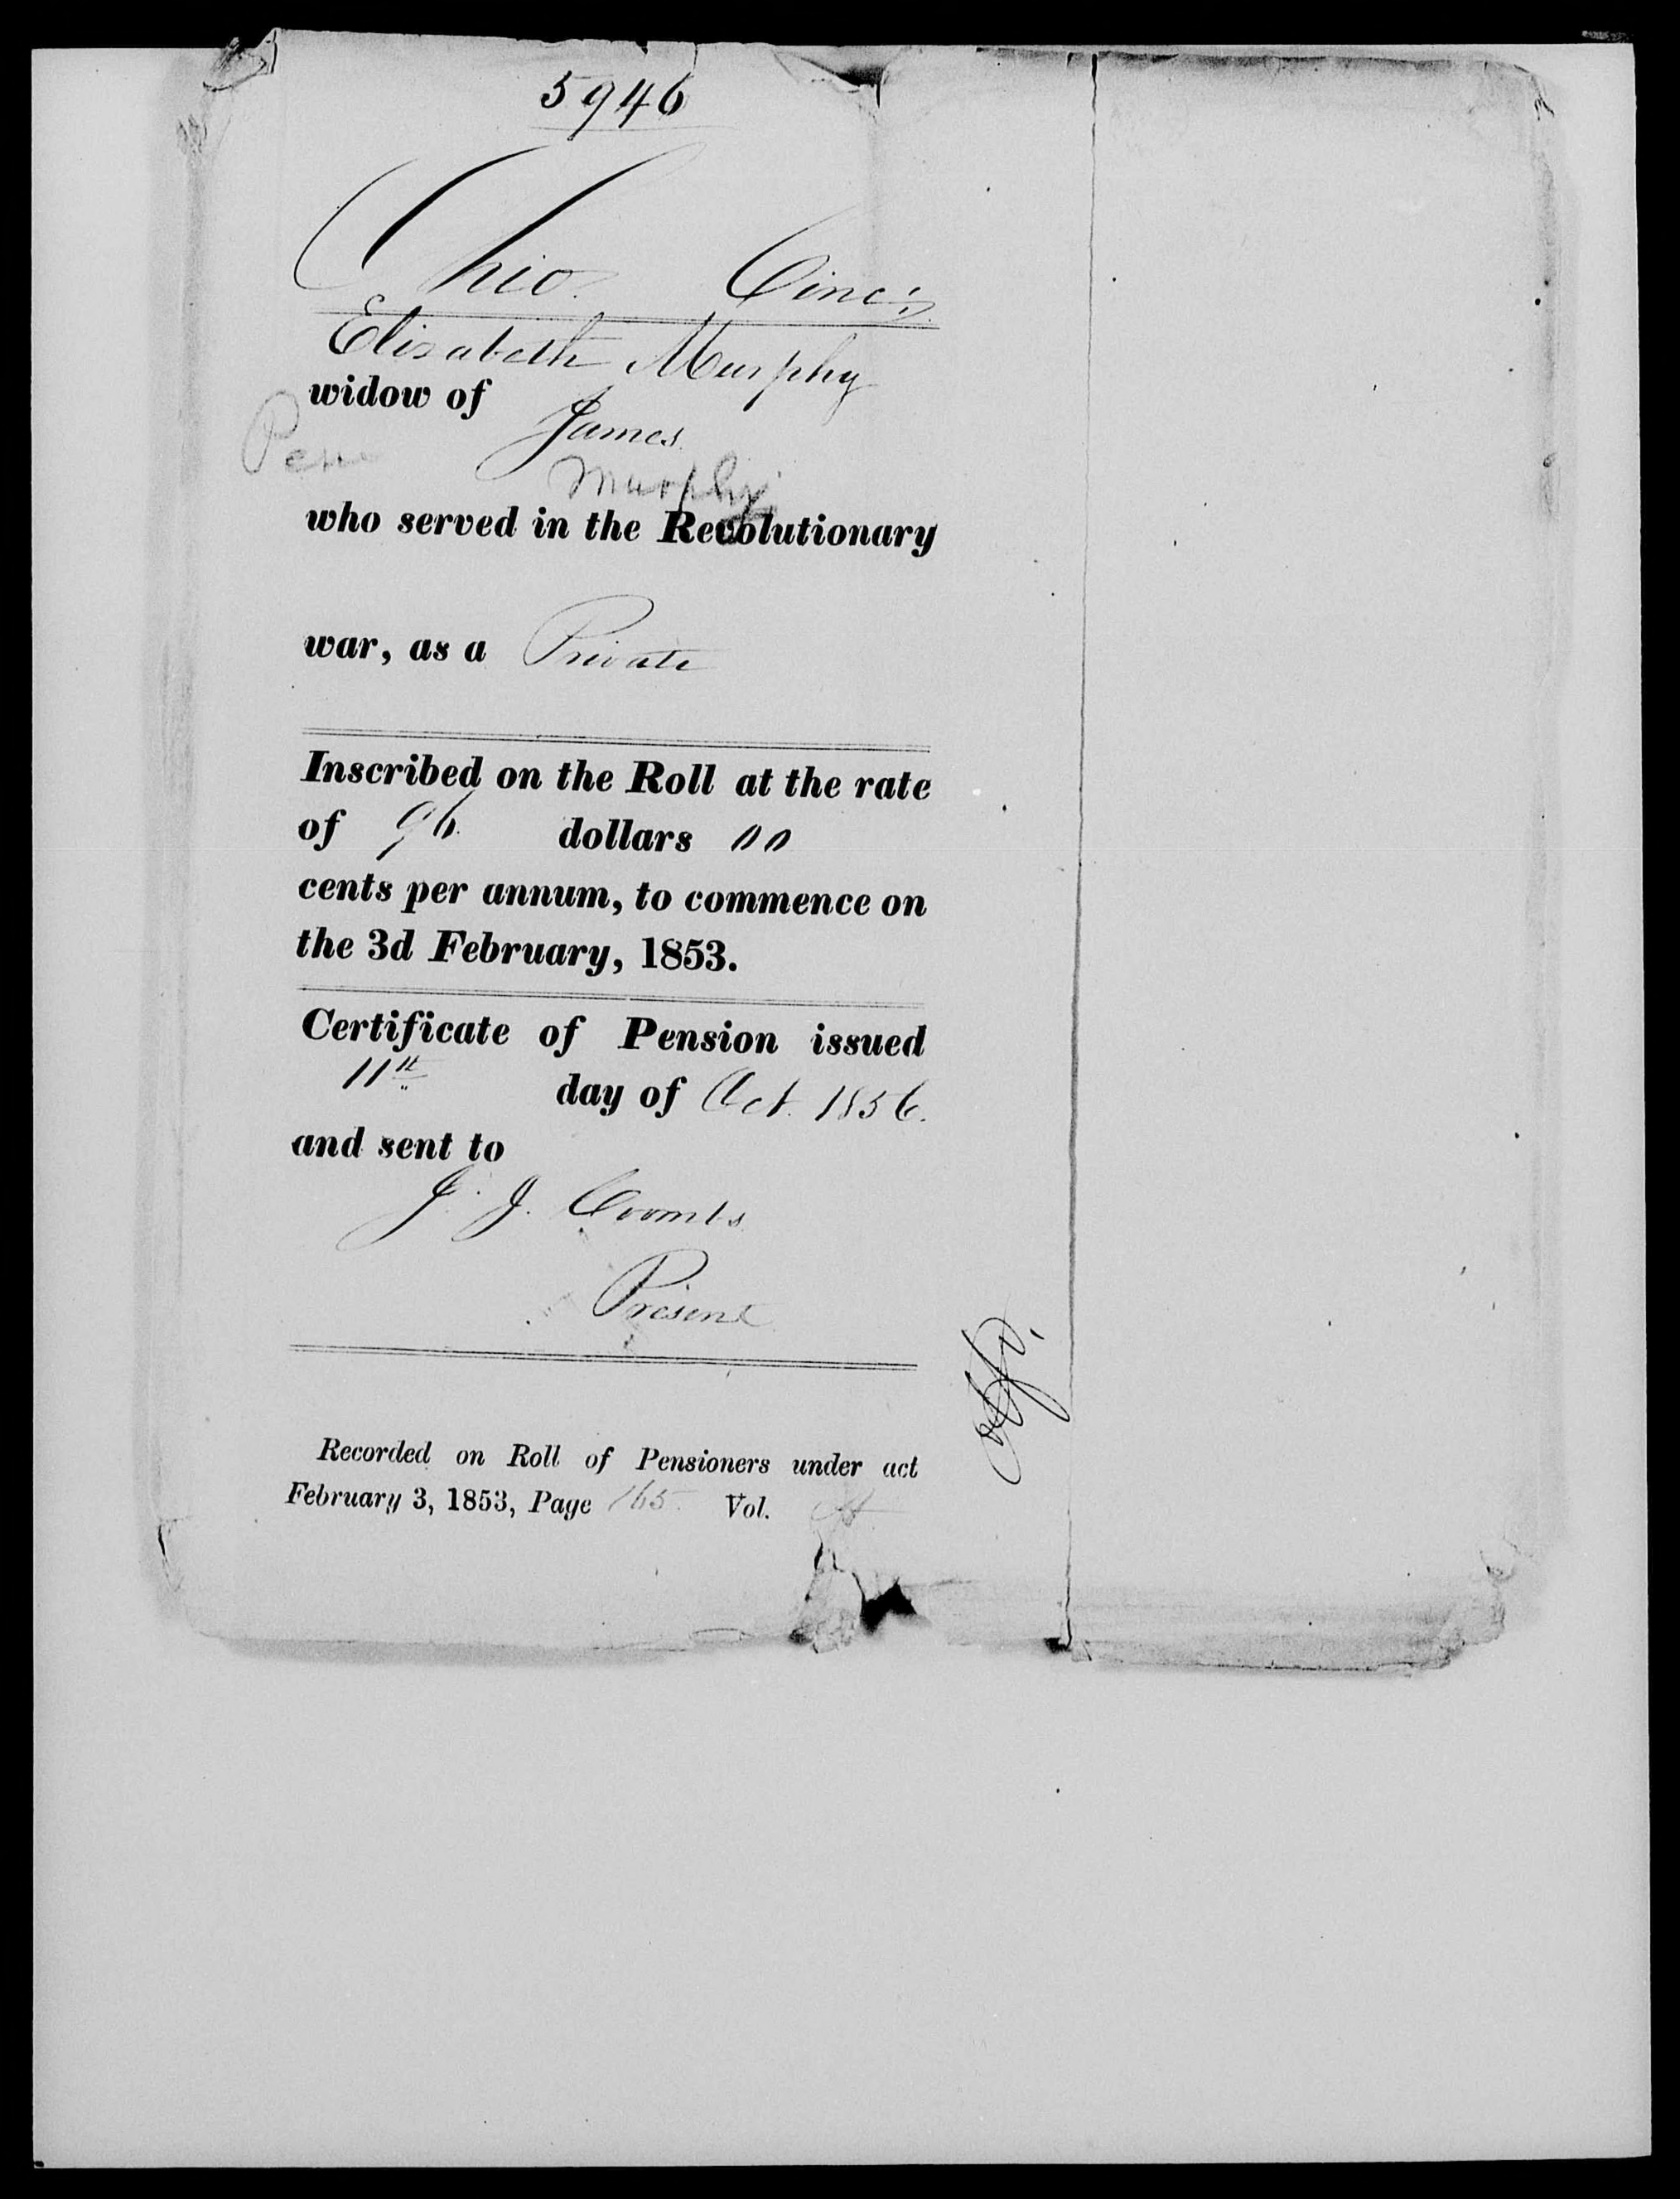5946
Ohio Lines
========
Elizabeth Murphy
widow of
James
Murphy
Penn
who served in the Revolutionary 
war, as a Private
=========
Inscribed on the Roll at the rate
dollars 96 dollars  00
cents per annum, to commence on
the 3d February, 1853.
=========
Certificate of Pension issued
11th day of Oct 1856
and sent to
J. J. Coombs
Present
=========
Recorded on Roll of Pensioners under act
February 3, 1853, Page 165 Vol. A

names: J J Coombs; Elizabeth Murphy; James Murphy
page: 4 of 57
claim: widow's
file: W. 25,739, for James Murphey, Pennsylvania